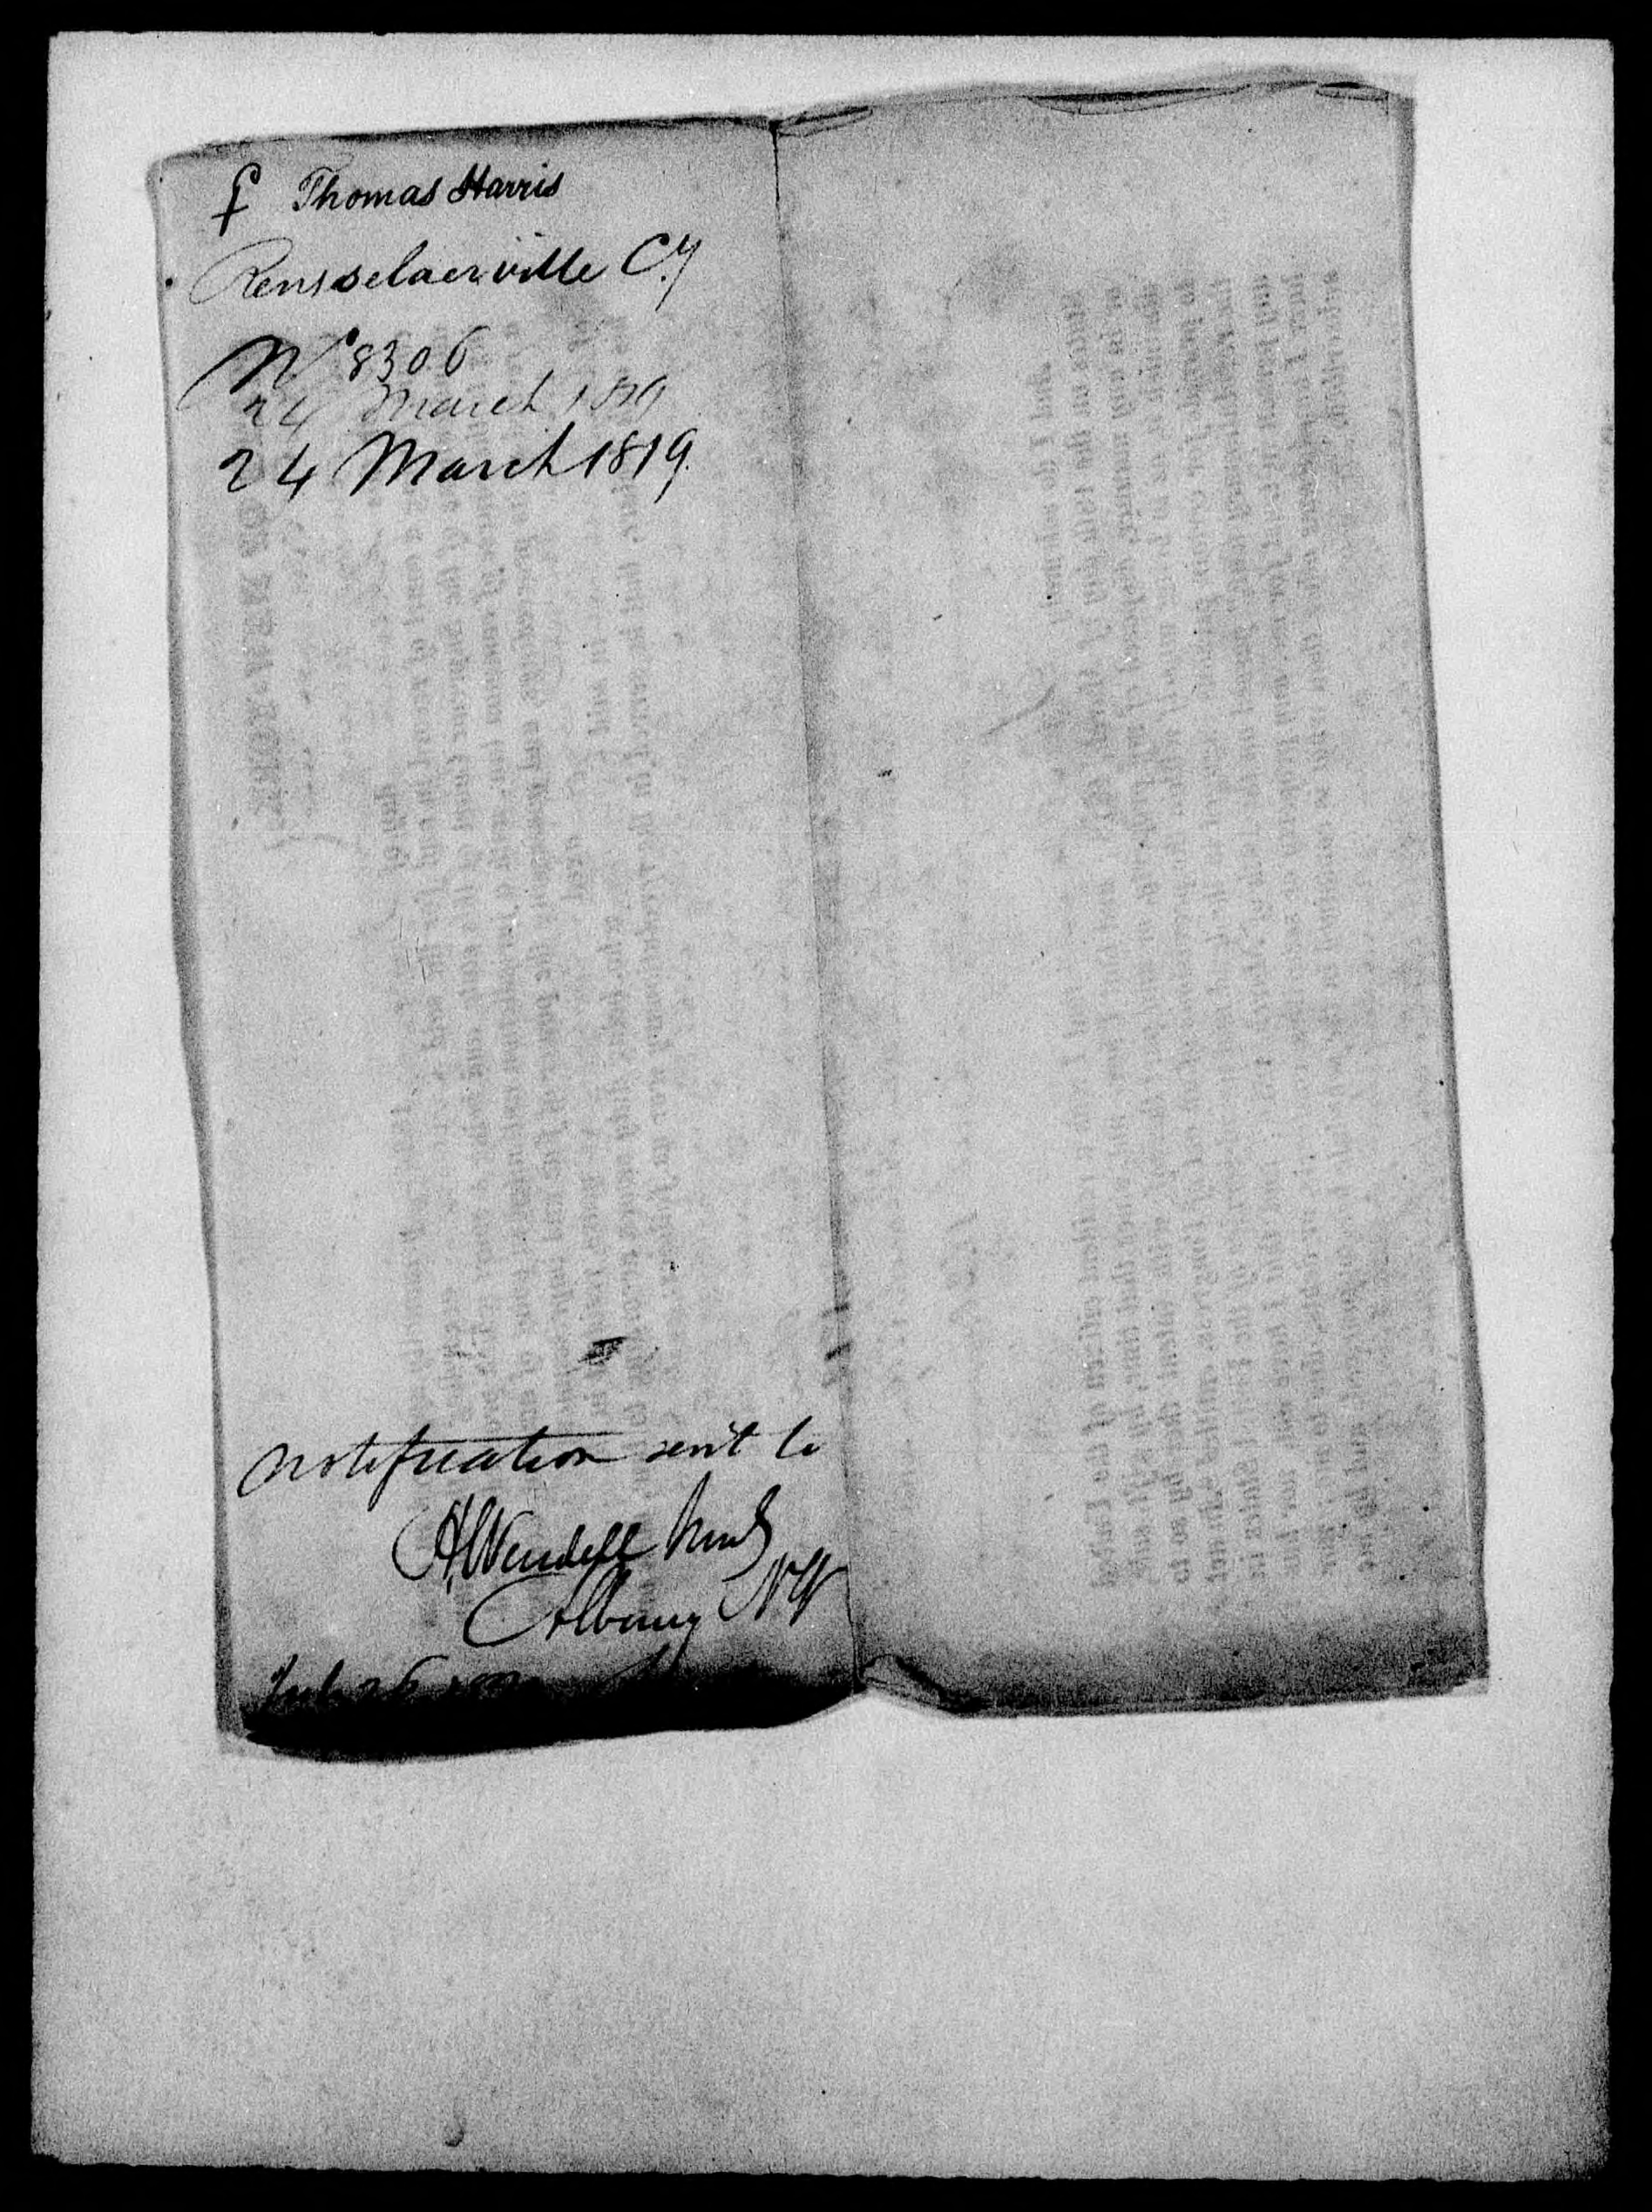f Thomas Harris
Rensselaerville CM
W 8306
24 March 1819
24 March 1819

---
Notification sent to H. Wendell 
Albany NY
[date illegible]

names: Thomas Harris, H Wendell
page: 3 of 16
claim: survivor's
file: S. 38815, Thomas Harris, R.I.